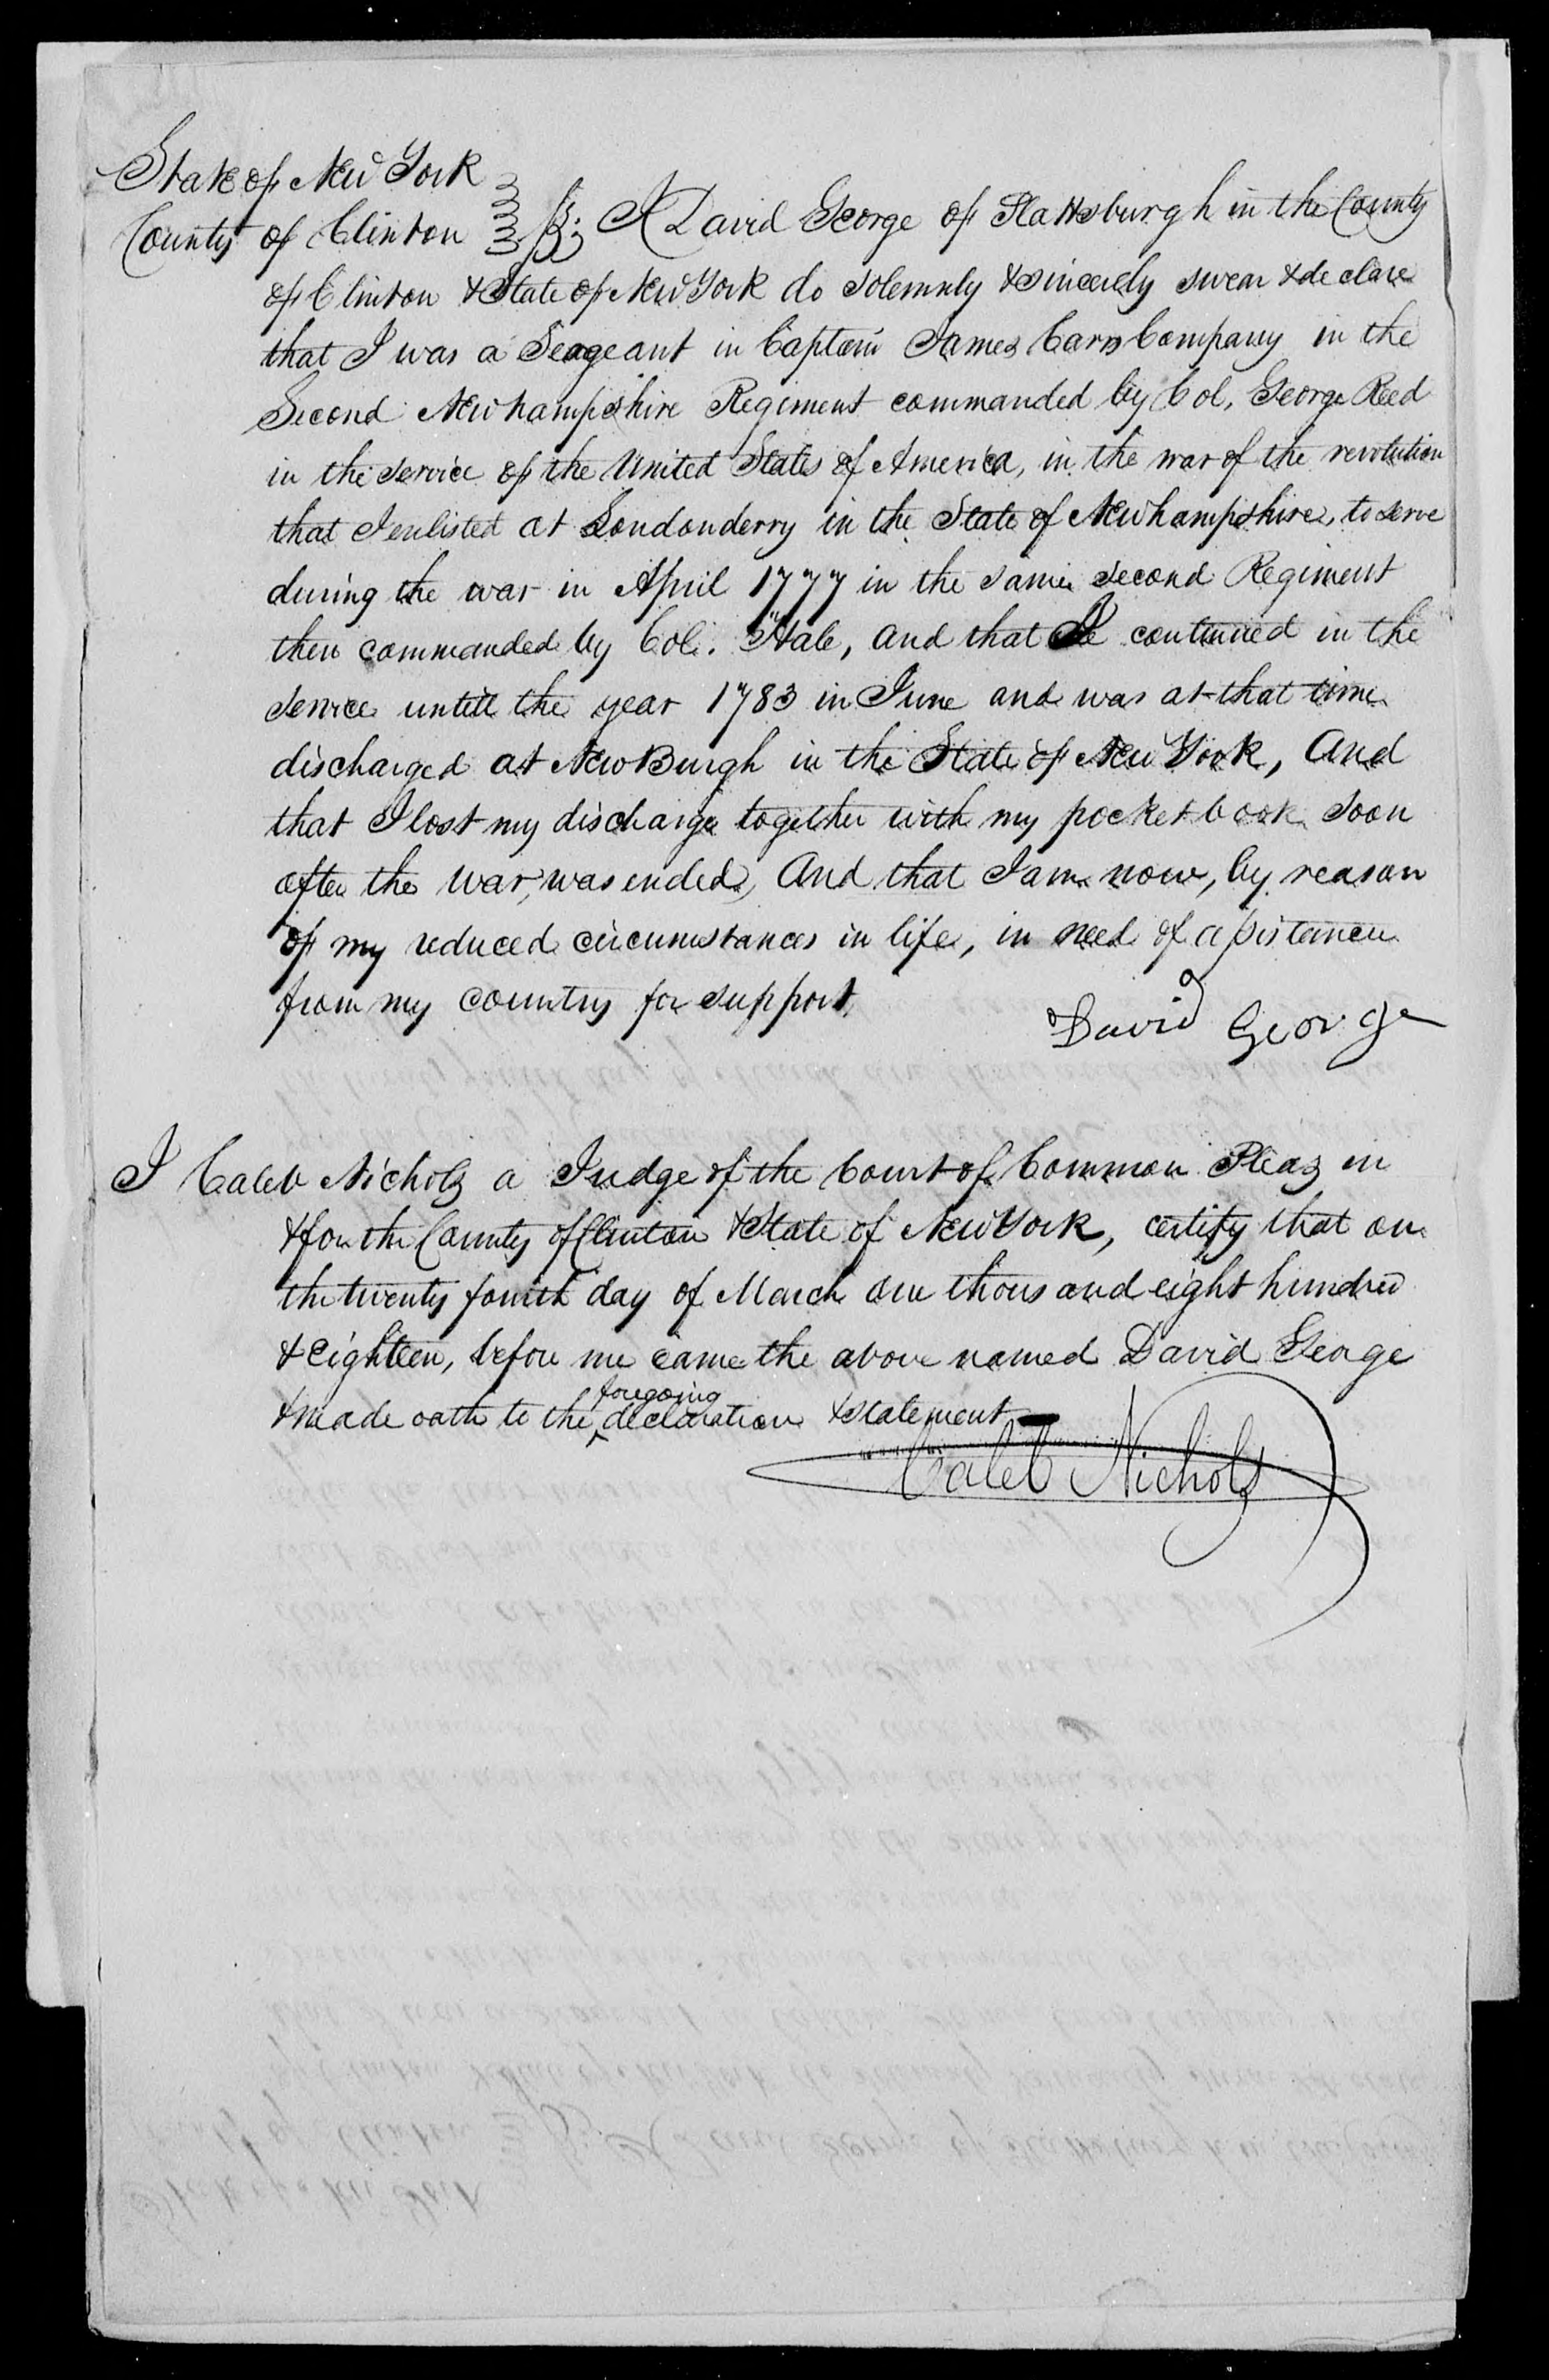State of New York}
County of Clinton}ss
 I David George of Plattsburgh in the County
of Clinton & State of New York do solemnly & sincerely swear & declare that I was a Sergeant in Captain James Carrs Company in the
Second New Hampshire Regiment commanded by Col. George Reed
in the service of the United States of America, in the war of the revolution
that I enlisted at Londonderry in the State of New Hampshire, to serve during the war in April 1777 in the same second Regiment
then commanded by Col. Hale, and that I continued in the service until the year 1783 in June and was at that time discharged at New Burgh in the State of New York, and
that I lost my discharge together with my pocket book soon after the war, was ended, and that I am now, by reason of my reduced circumstances in life, in need of assistance
from my country for support,
(signed) David George

I Caleb Nichols a Judge of the Court of Common Pleas in & for the County of Clinton & State of New York, certify that on 
the twenty fourth day of March one thousand eight hundred & Eighteen, before me came the above named David George and 
made oath to the foregoing disclosure & statement 
(signed) Caleb Nichols
⎬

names: David George, George Reed, Hale, David George, David George, Caleb Nichols, Caleb Nichols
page: 10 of 18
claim: survivor's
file: S. 39568, David George, N.H.